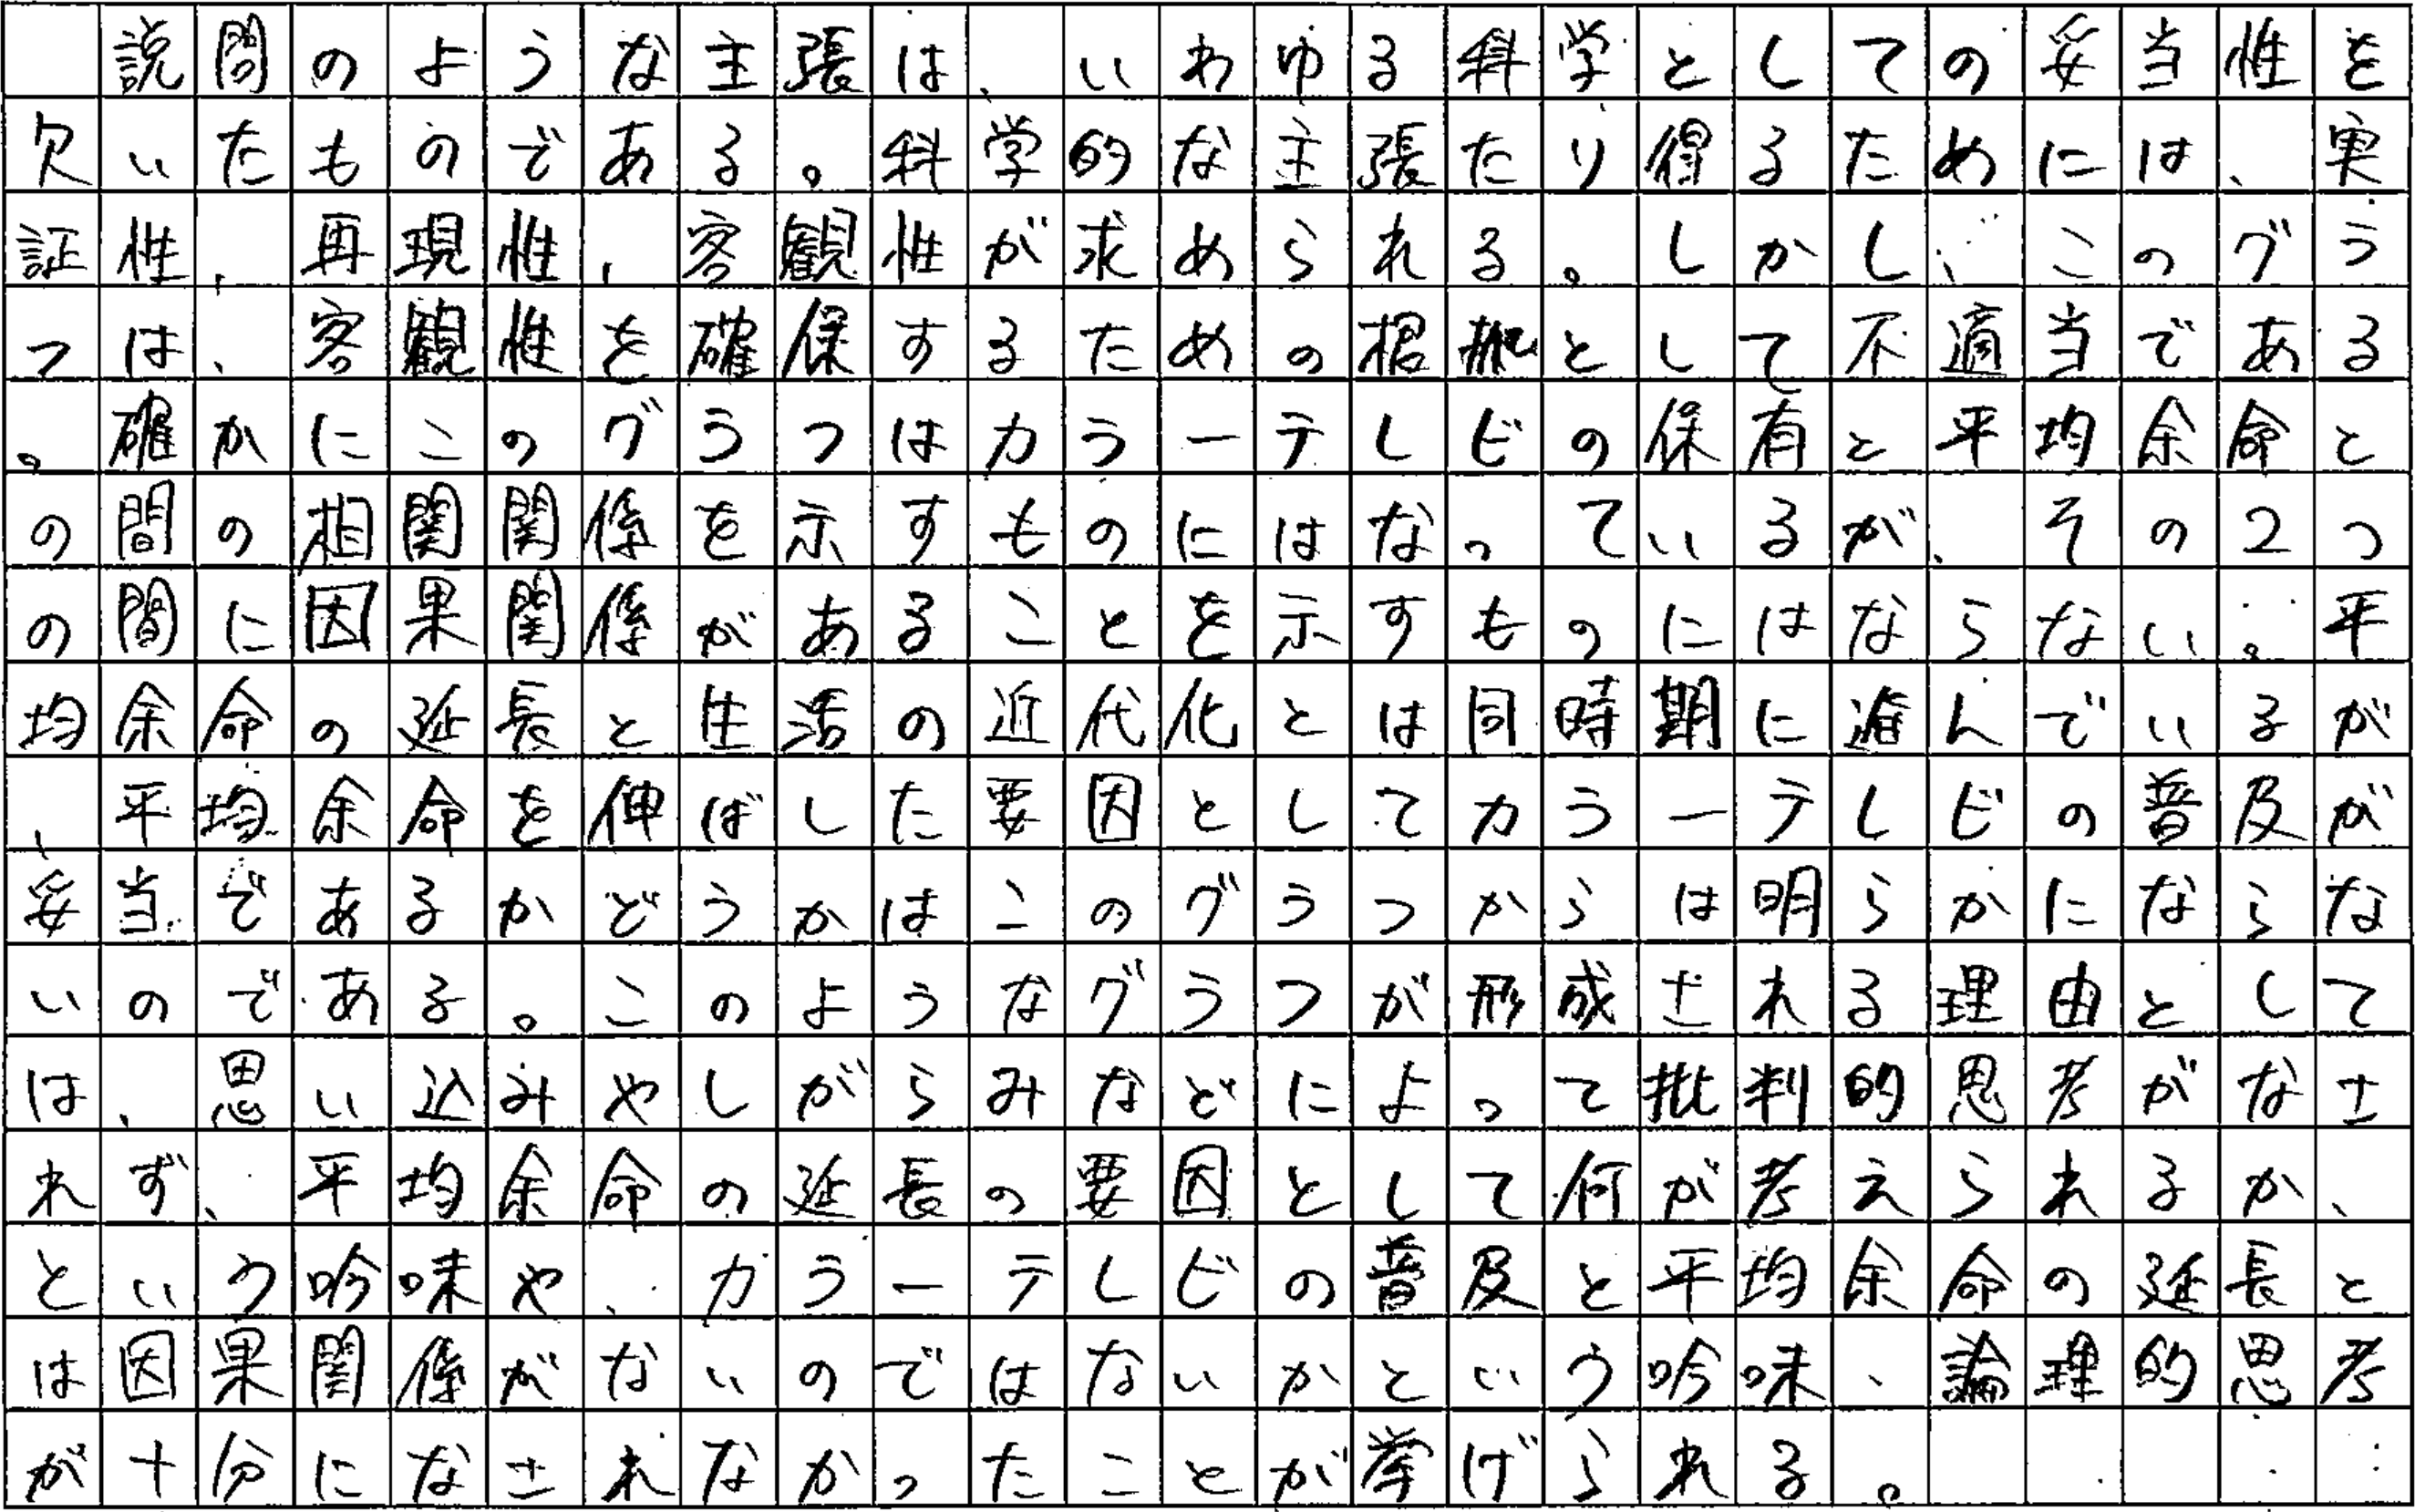　説問のような主張は、いわゆる科学としての妥当性を欠いたものである。科学的な主張たり得るためには、実証性、再現性、客観性が求められる。しかし、このグラフは、客観性を確保するための根拠として不適当である。確かにこのグラフはカラーテレビの保有と平均余命との間の相関関係を示すものにはなっているが、その２つの間に因果関係があることを示すものにはならない。平均余命の延長と生活の近代化とは同時期に進んでいるが、平均余命を伸ばした要因としてカラーテレビの普及が妥当であるかどうかはこのグラフからは明らかにならないのである。このようなグラフが形成される理由としては、思い込みやしがらみなどによって批判的思考がなされず、平均余命の延長の要因として何が考えられるか、という吟味や、カラーテレビの普及と平均余命の延長とは因果関係がないのではないかという吟味、論理的思考が十分になされなかったことが挙げられる。
